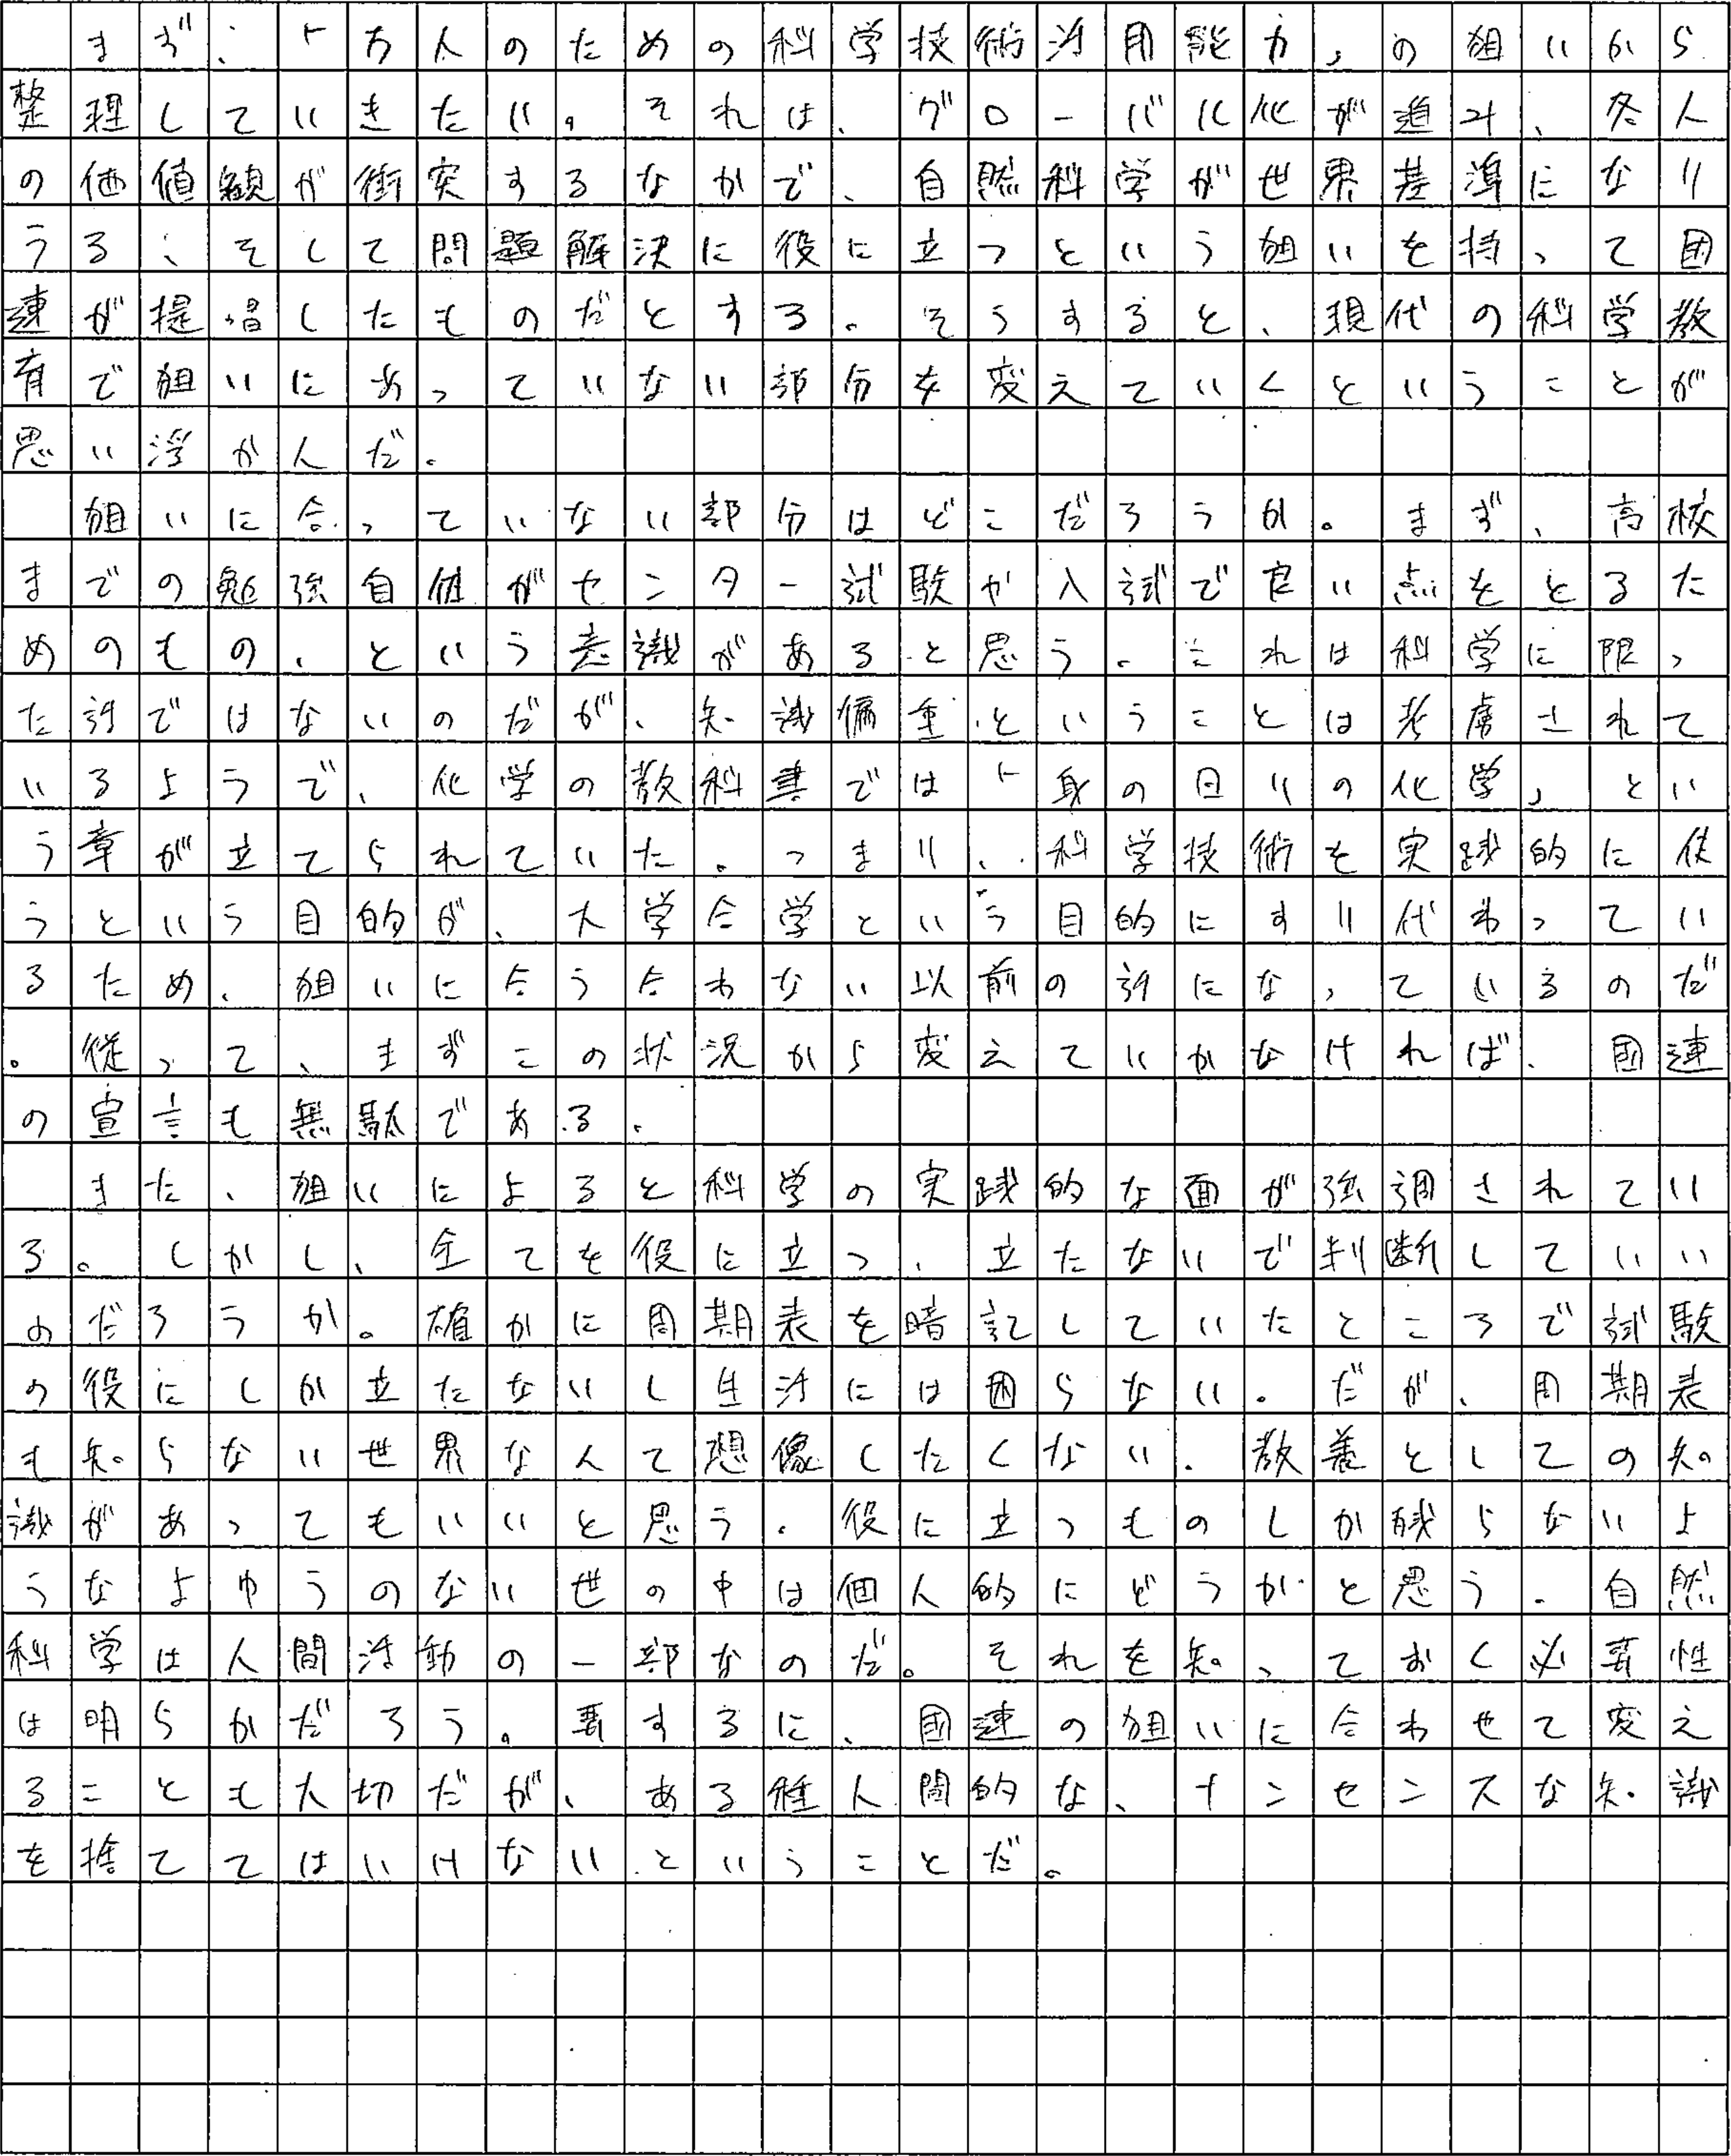　まず、「万人のための科学技術活用能力」の狙いから整理していきたい。それは、グローバル化が進み、各人の価値観が衝突するなかで、自然科学が世界基準になりうる、そして問題解決に役に立つという狙いを持って国連が提唱したものだとする。そうすると、現代の科学教育で狙いにあっていない部分を変えていくということが思い浮かんだ。
　狙いに合っていない部分はどこだろうか。まず、高校までの勉強自体がセンター試験や入試で良い点をとるためのもの、という意識があると思う。これは科学に限った話ではないのだが、知識偏重ということは考虜されているようで化学の教科書では「身の回りの化学」という章が立てられていた。つまり、科学技術を実践的に使うという目的が、大学合学という目的にすり代わっているため、狙いに合う合わない以前の話になっているのだ。従って、まずこの状況から変えていかなければ、国連の宣言も無駄である。
　また、狙いによると科学の実践的な面が強調されている。しかし、全てを役に立つ、立たないで判断していいのだろうか。確かに周期表を暗記していたところで試験の役にしか立たないし生活には困らない。だが、周期表も知らない世界なんて想像したくない。教養としての知識があってもいいと思う。役に立つものしか残らないようなよゆうのない世の中は個人的にどうかと思う。自然科学は人間活動の一部なのだ。それを知っておく必要性は明らかだろう。要するに、国連の狙いに合わせて変えることも大切だが、ある種人間的な、ナンセンスな知識を捨ててはいけないということだ。
